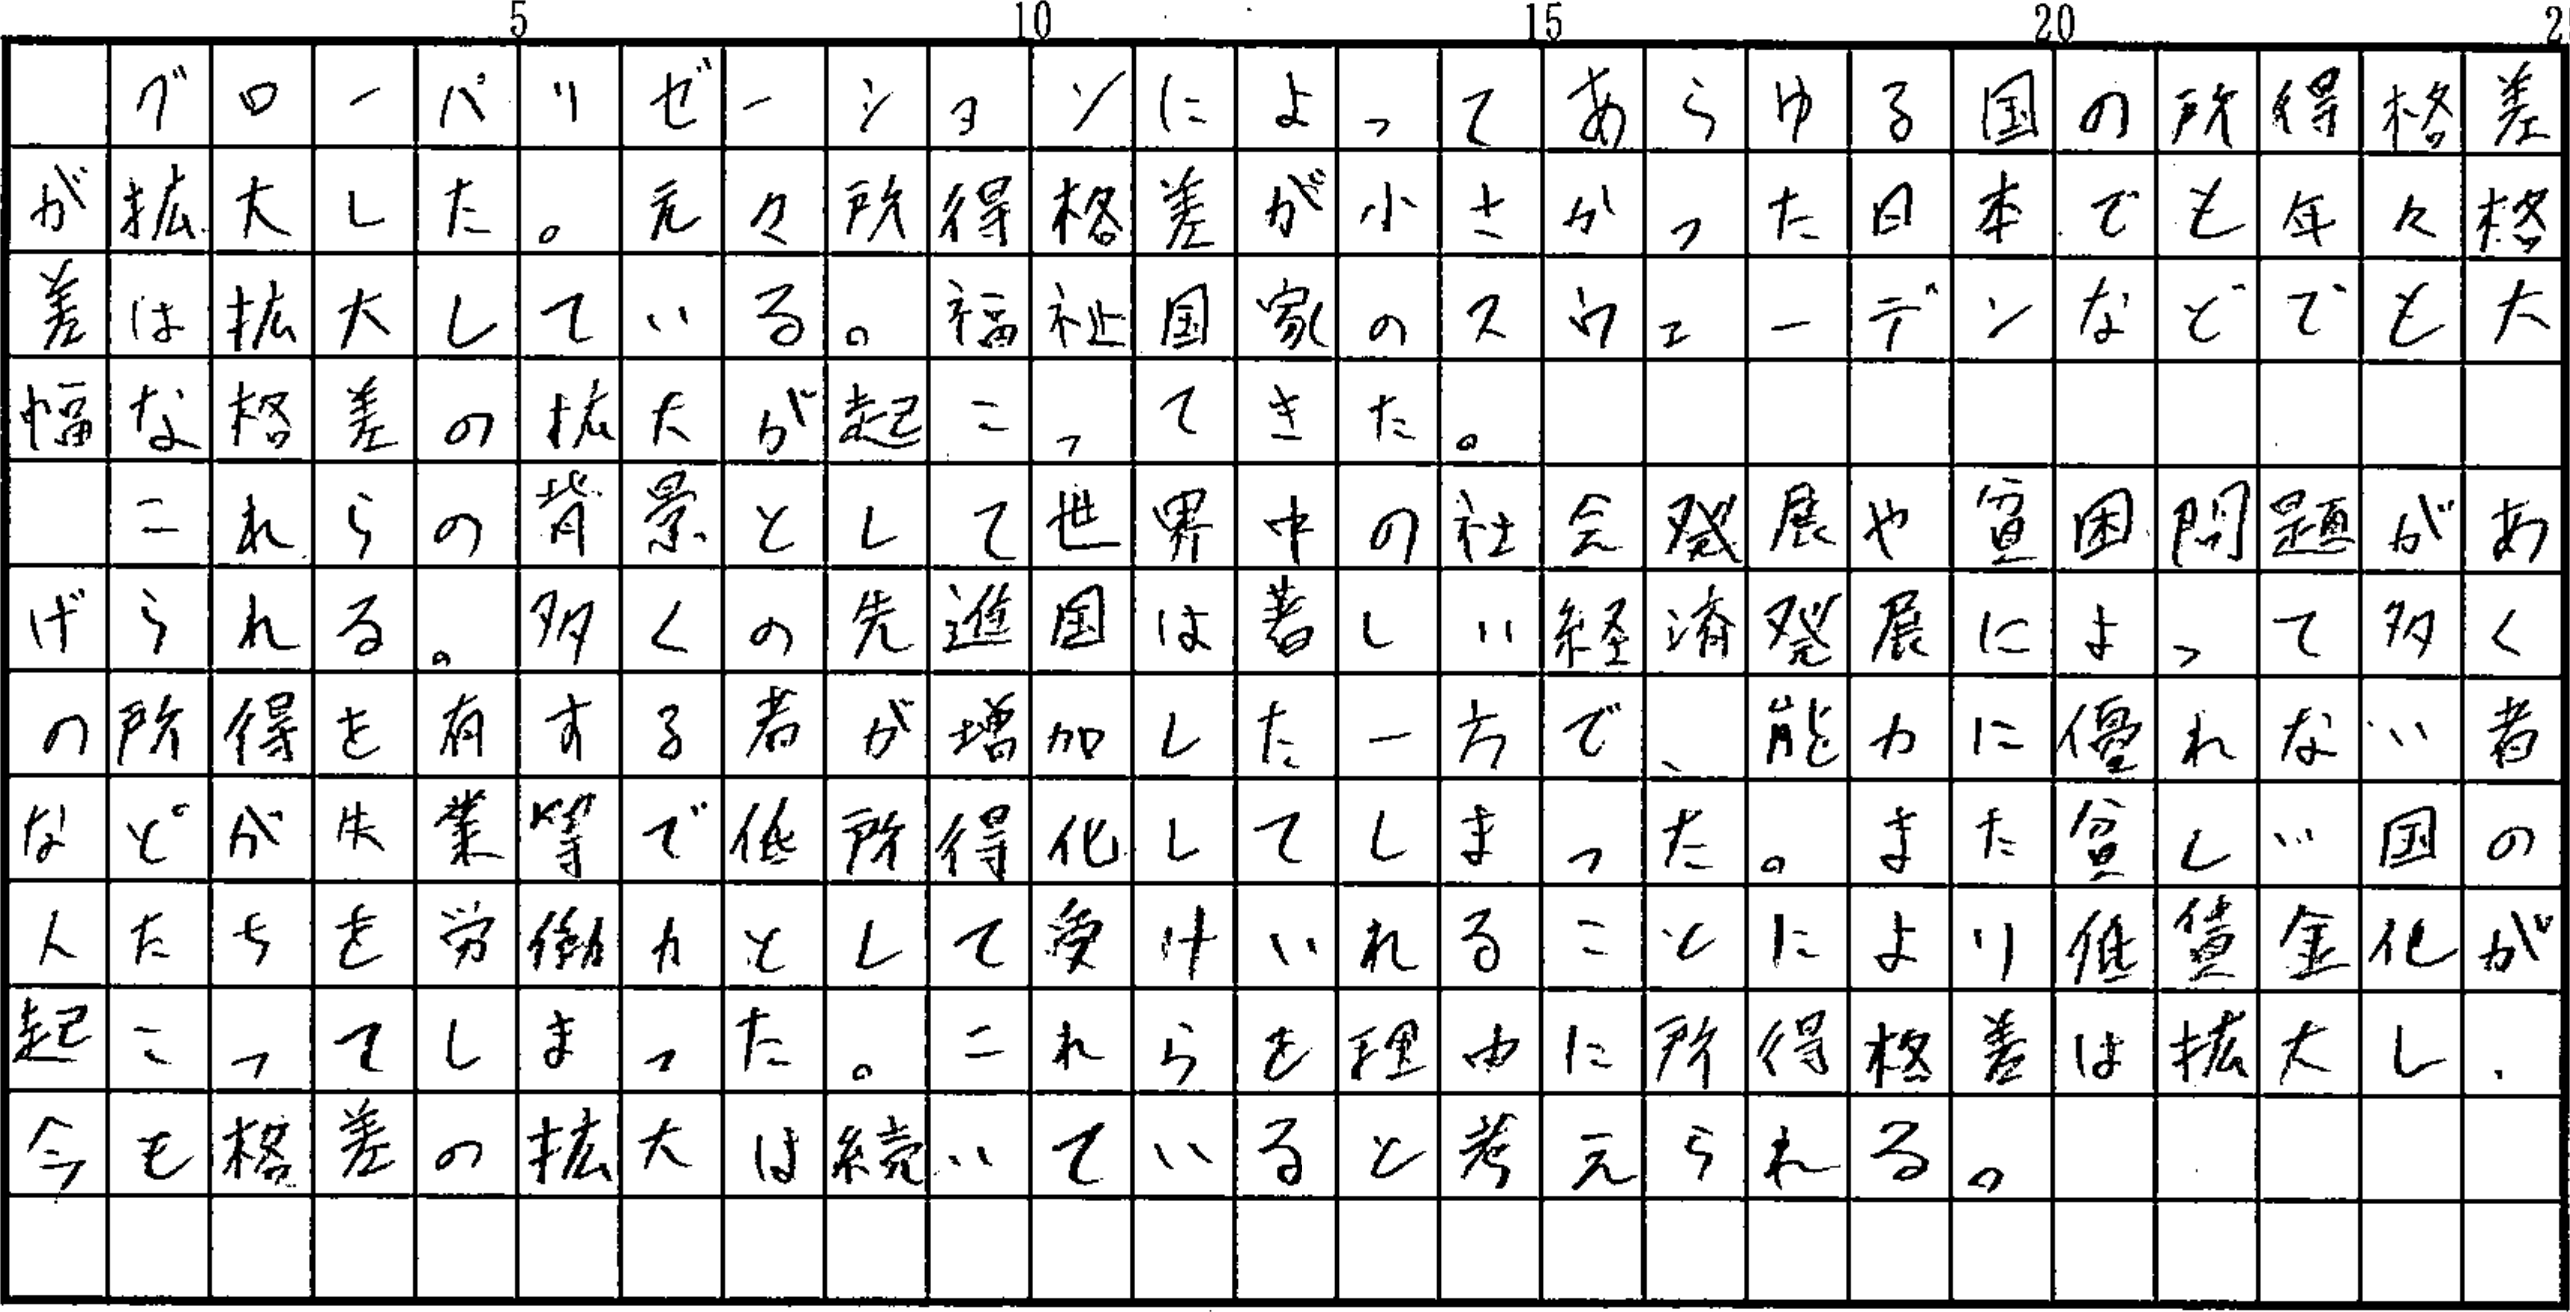　グローバリゼーションによってあらゆる国の所得格差が拡大した。元々所得格差が小さかった日本でも年々格差は拡大している。福祉国家のスウェーデンなどでも大幅な格差の拡大が起こってきた。
　これらの背景として世界中の社会発展や貧困問題があげられる。多くの先進国は著しい経済発展によって多くの所得を有する者が増加した一方で、能力に優れない者などが失業等で低所得化してしまった。また貧しい国の人たちを労働力として受け入れることにより低賃金化が起こってしまった。これらを理由に所得格差は拡大し、今も格差の拡大は続いていると考えられる。
